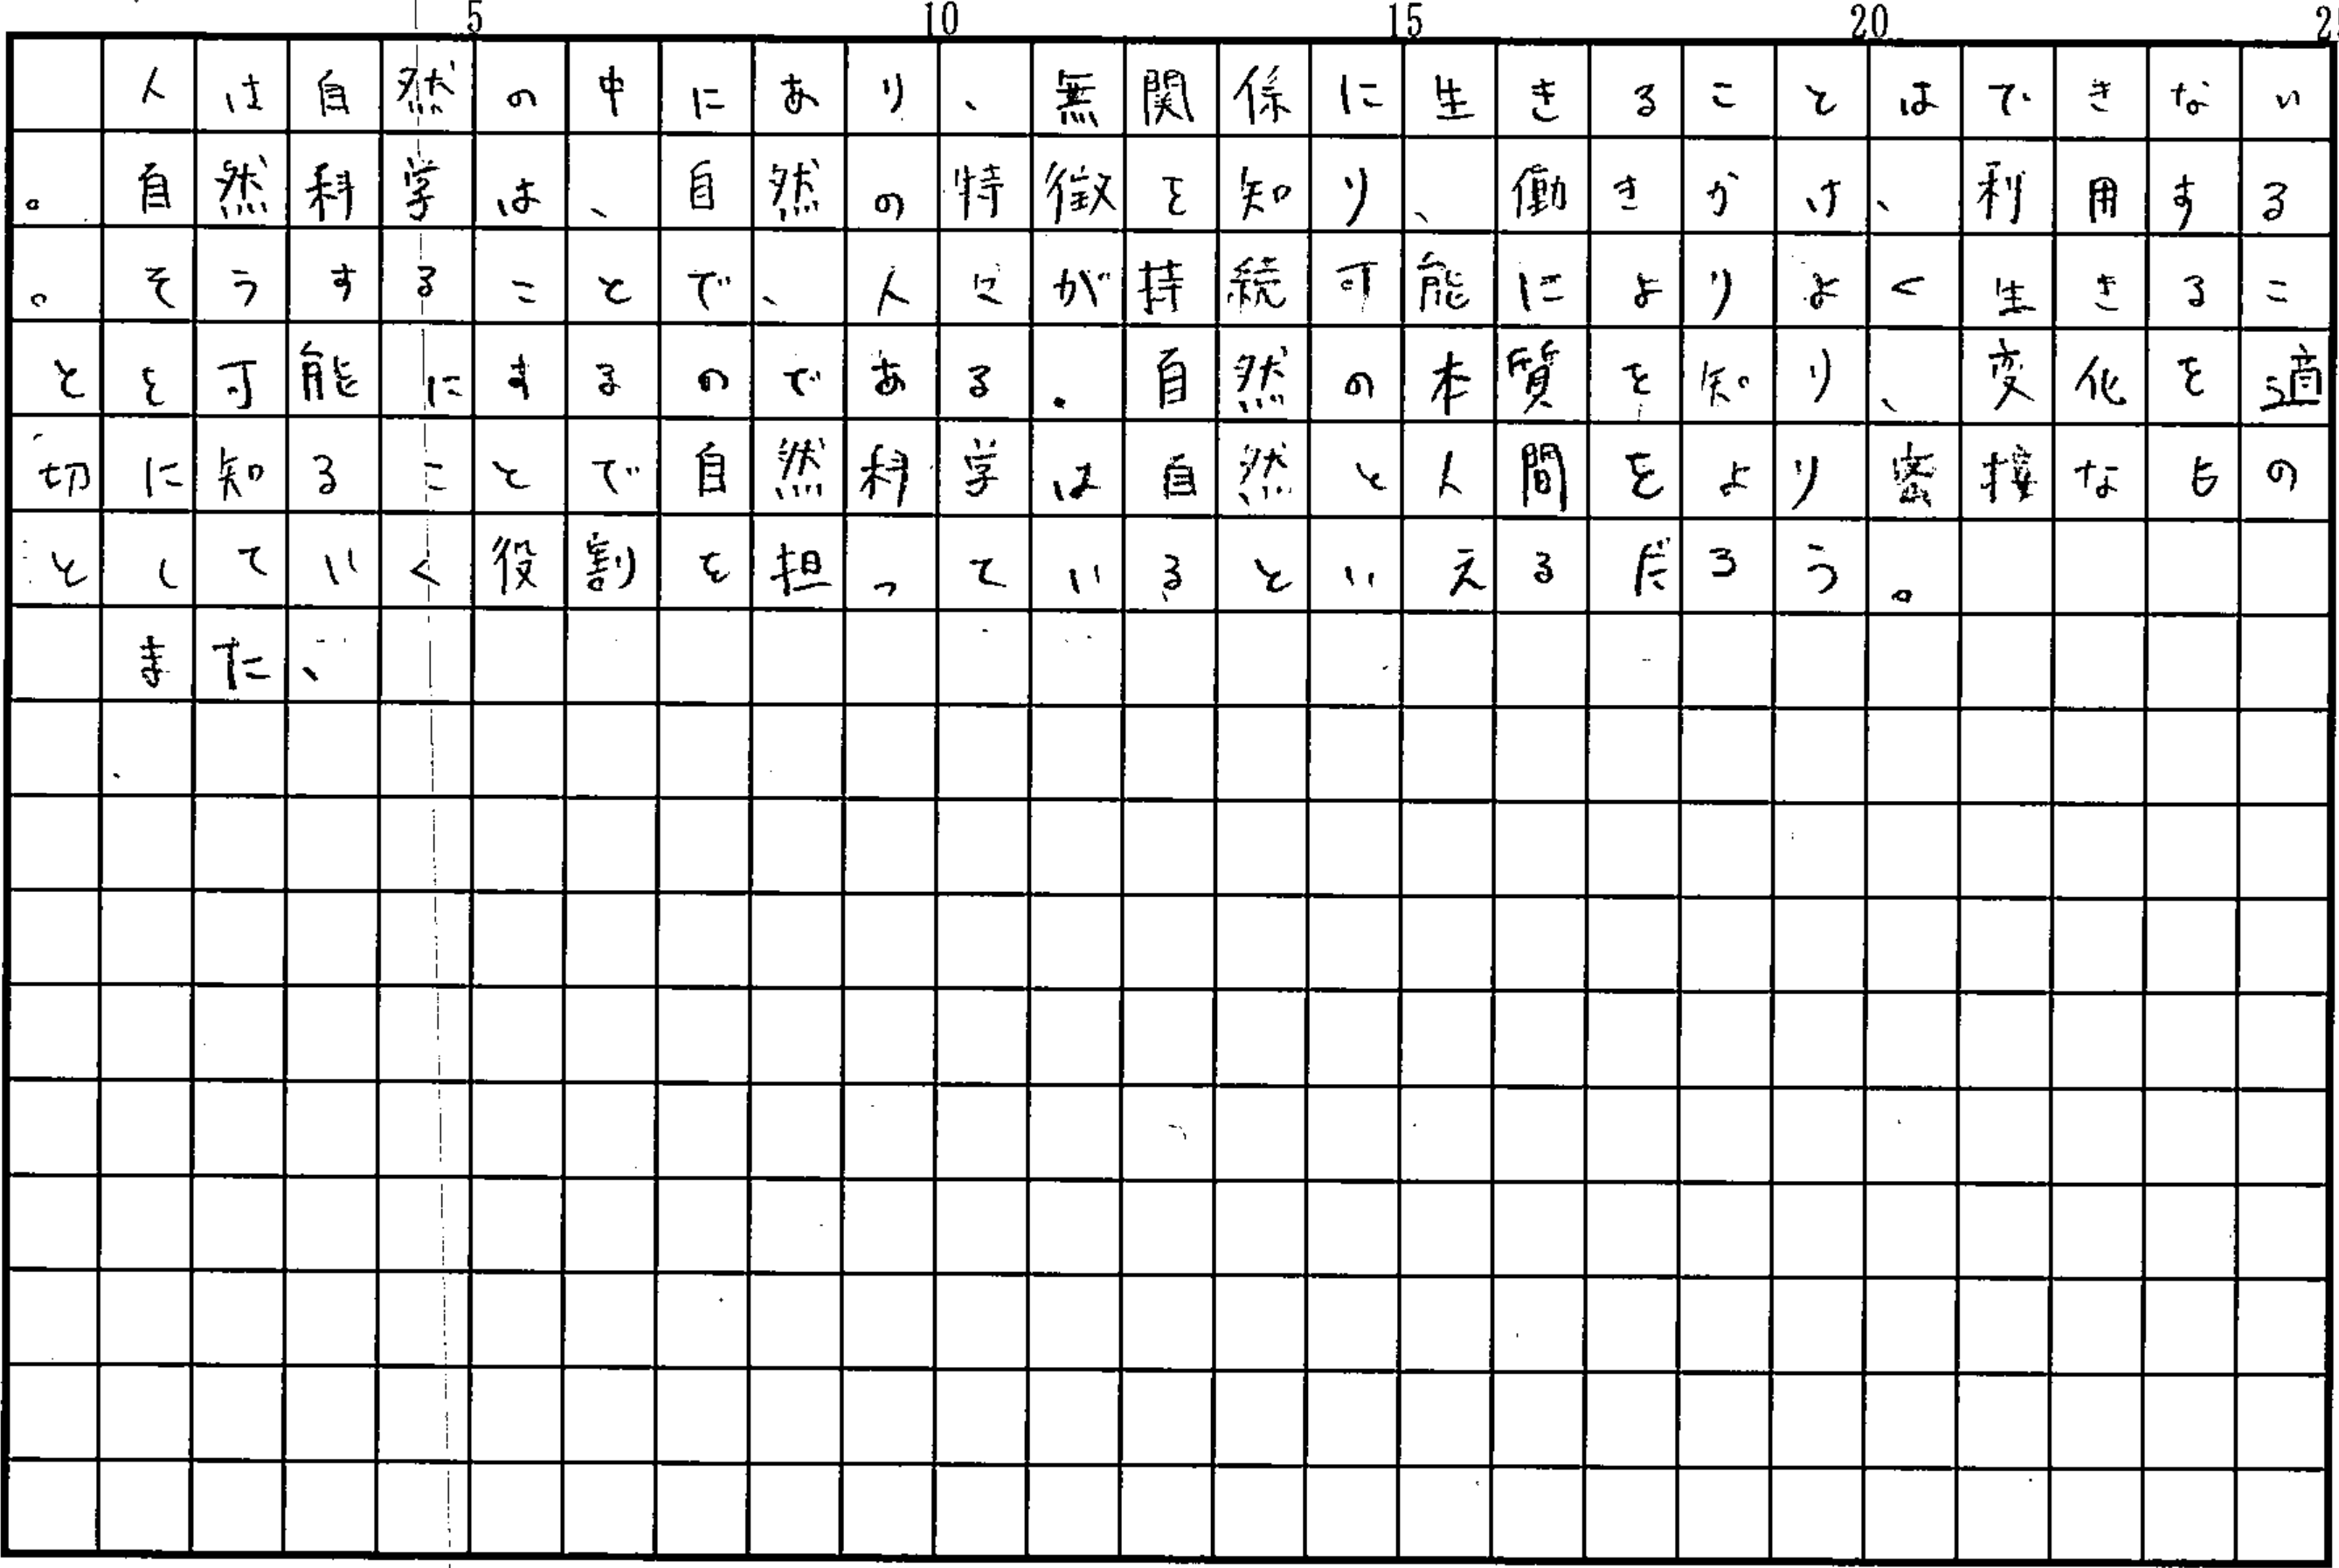　人は自然の中にあり、無関係に生きることはできない。自然科学は、自然の特徴を知り、働きかけ、利用する。そうすることで、人々が持続可能によりよく生きることを可能にするのである。自然の本質を知り、変化を適切に知ることで自然科学は自然と人間をより密接なものとしていく役割を担っているといえるだろう。
　また、
